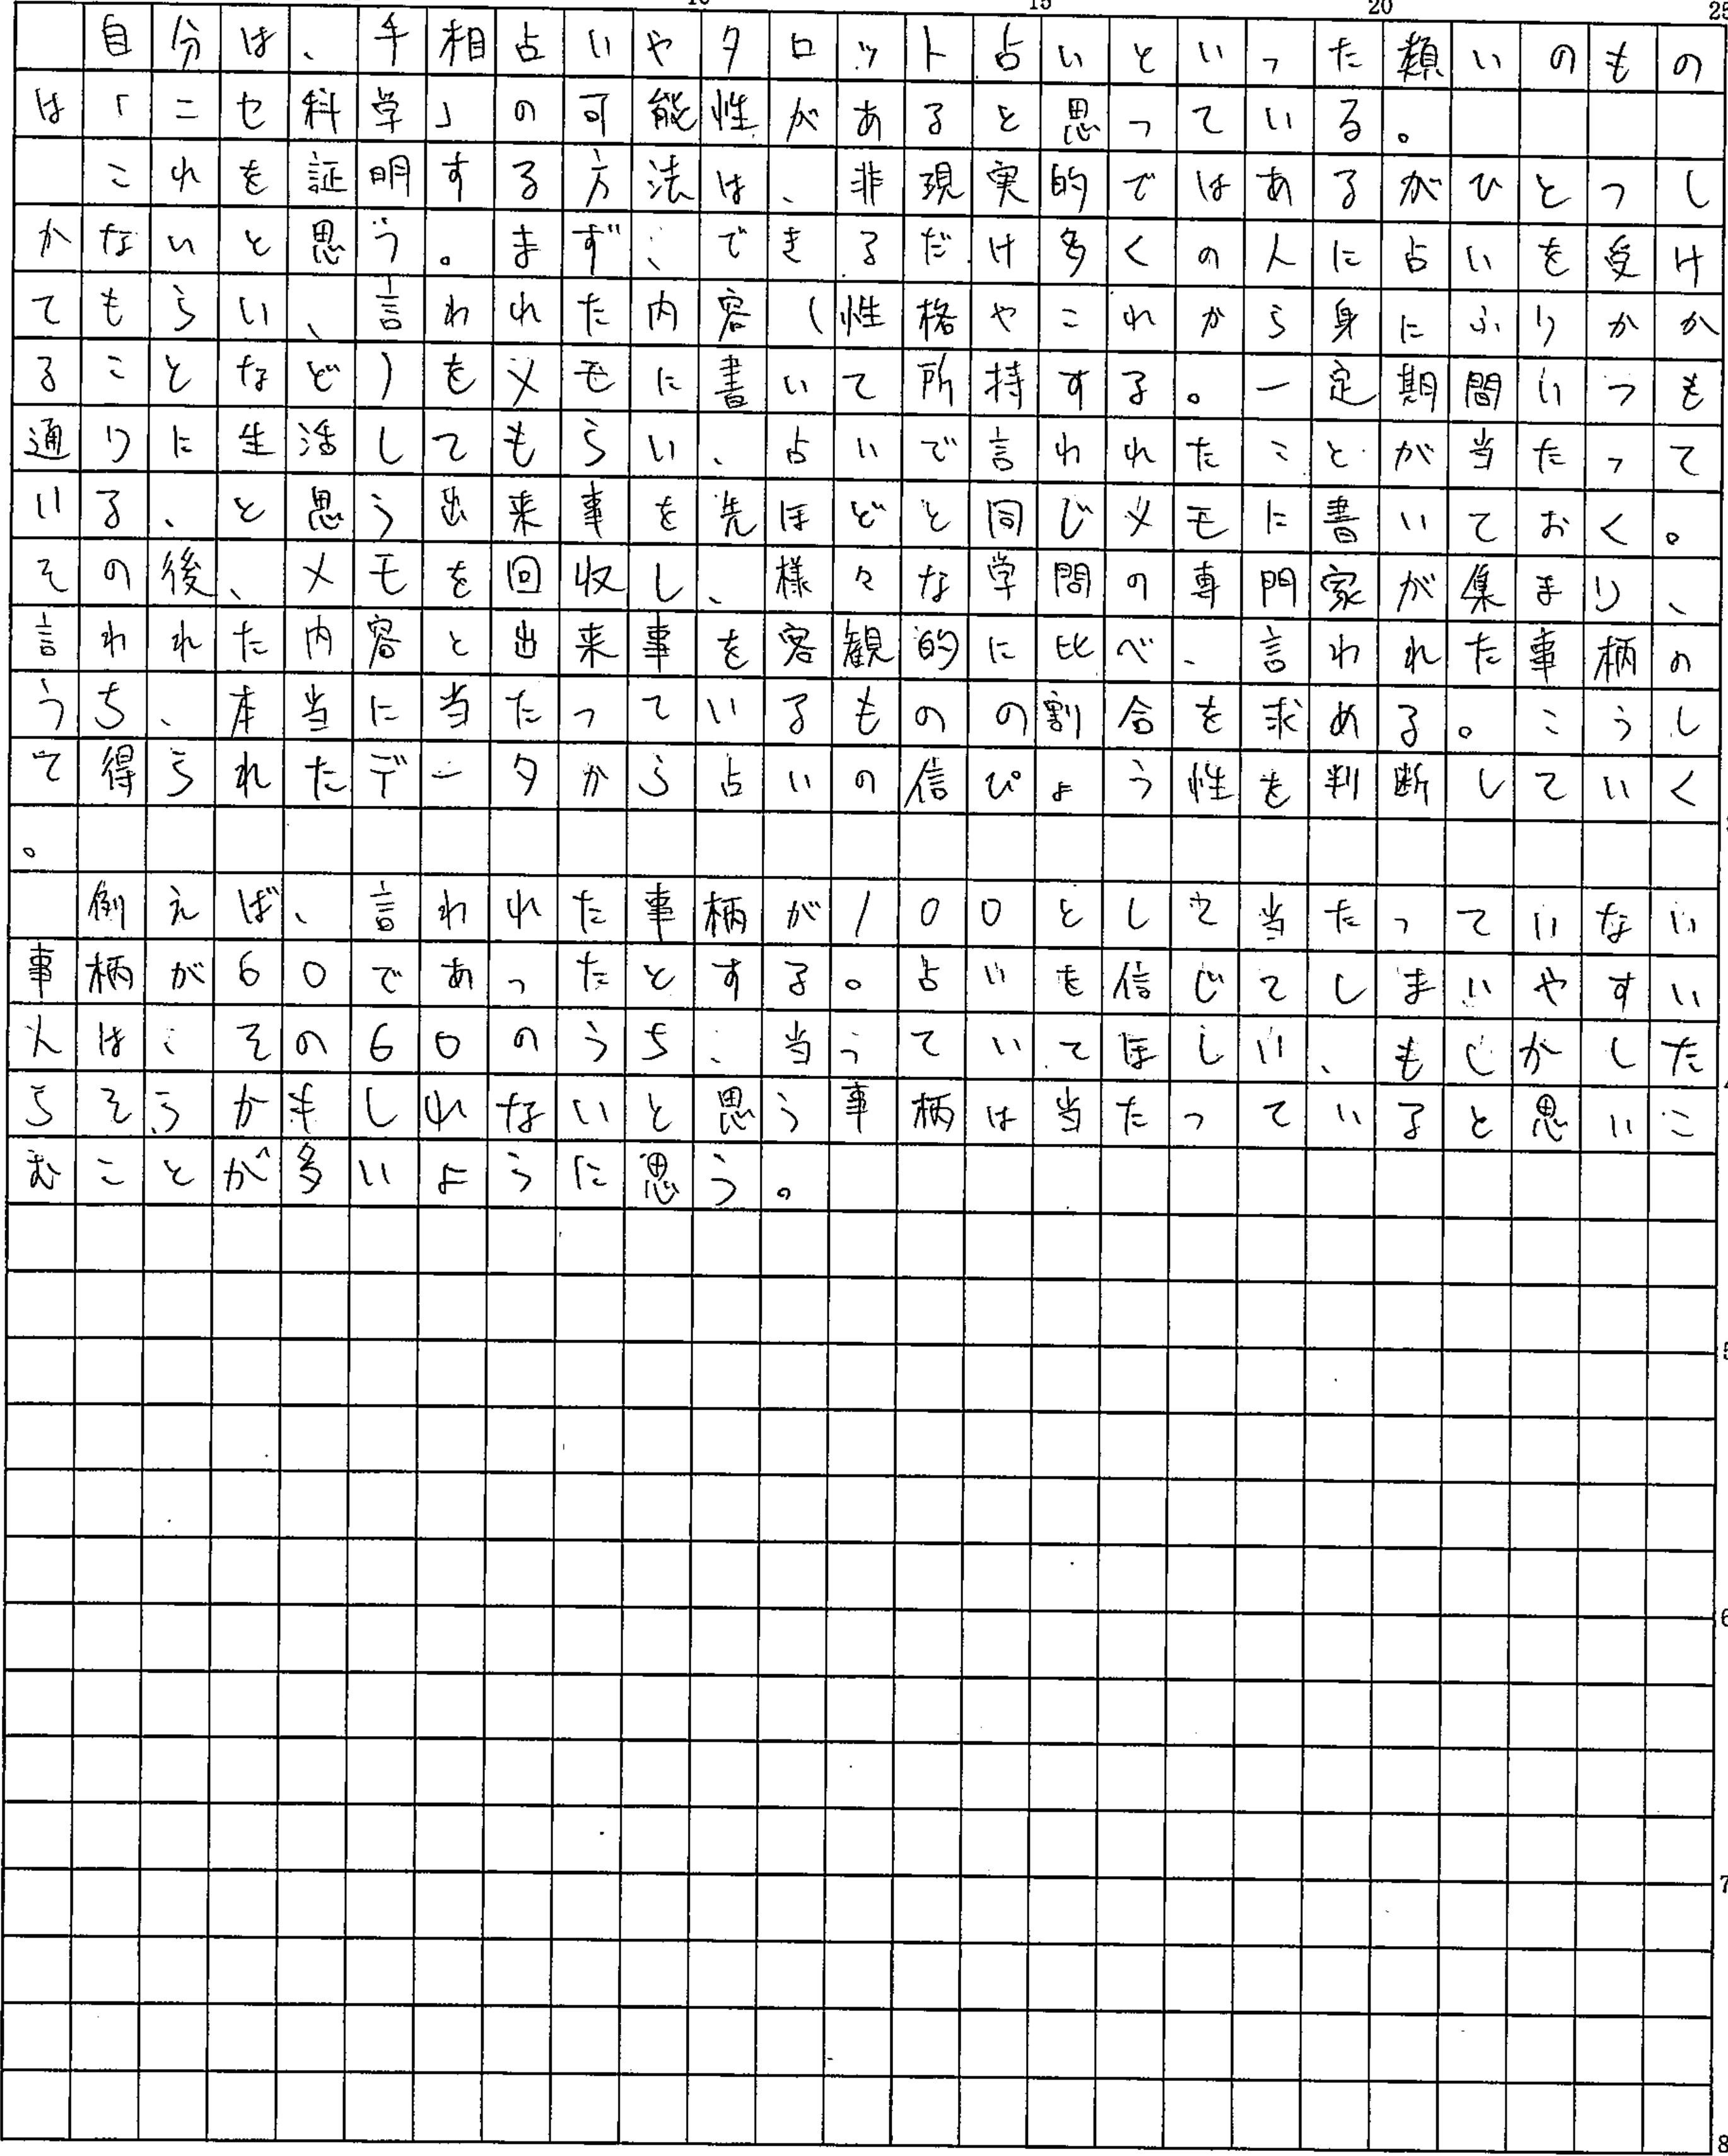　自分は、手相占いやタロット占いといった類いのものは「ニセ科学」の可能性があると思っている。
　これを証明する方法は、非現実的ではあるがひとつしかないと思う。まず、できるだけ多くの人に占いを受けてもらい、言われた内容（性格やこれから身にふりかかることなど）をメモに書いて所持する。一定期間いつも通りに生活してもらい、占いで言われたことが当たっている、と思う出来事を先ほどと同じメモに書いておく。その後、メモを回収し、様々な学問の専門家が集まり、言われた内容と出来事を客観的に比べ、言われた事柄のうち、本当に当たっているものの割合を求める。こうして得られたデータから占いの信ぴょう性を判断していく。
　例えば、言われた事柄が１００として当たっていない事柄が６０であったとする。占いを信じてしまいやすい人は、その６０のうち、当っていてほしい、もしかしたらそうかもしれないと思う事柄は当たっていると思いこむことが多いように思う。
